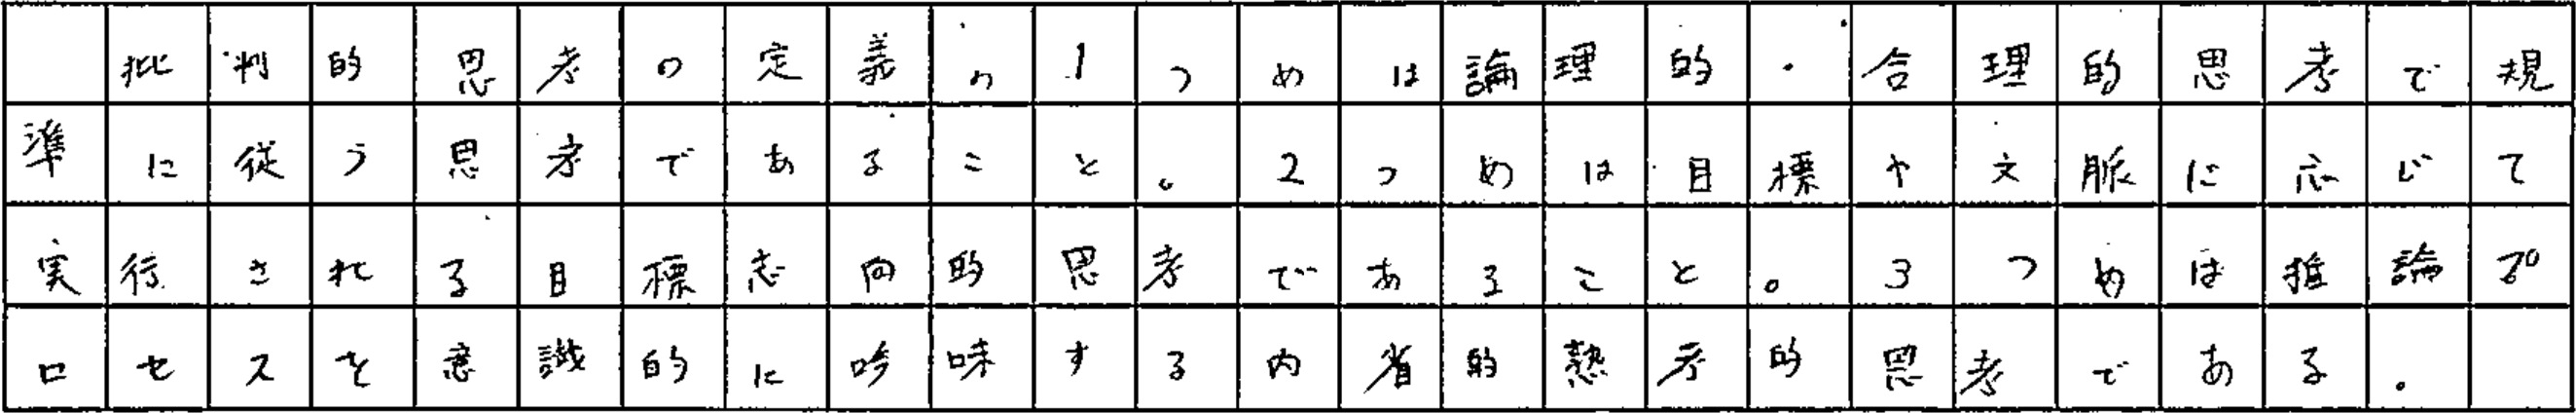　批判的思考の定義の１つめは論理的・合理的思考で規準に従う思考であること。２つめは目標や文脈に応じて実行される目標志向的思考であること。３つめは推論プロセスを意識的に吟味する内省的熟考的思考である。
